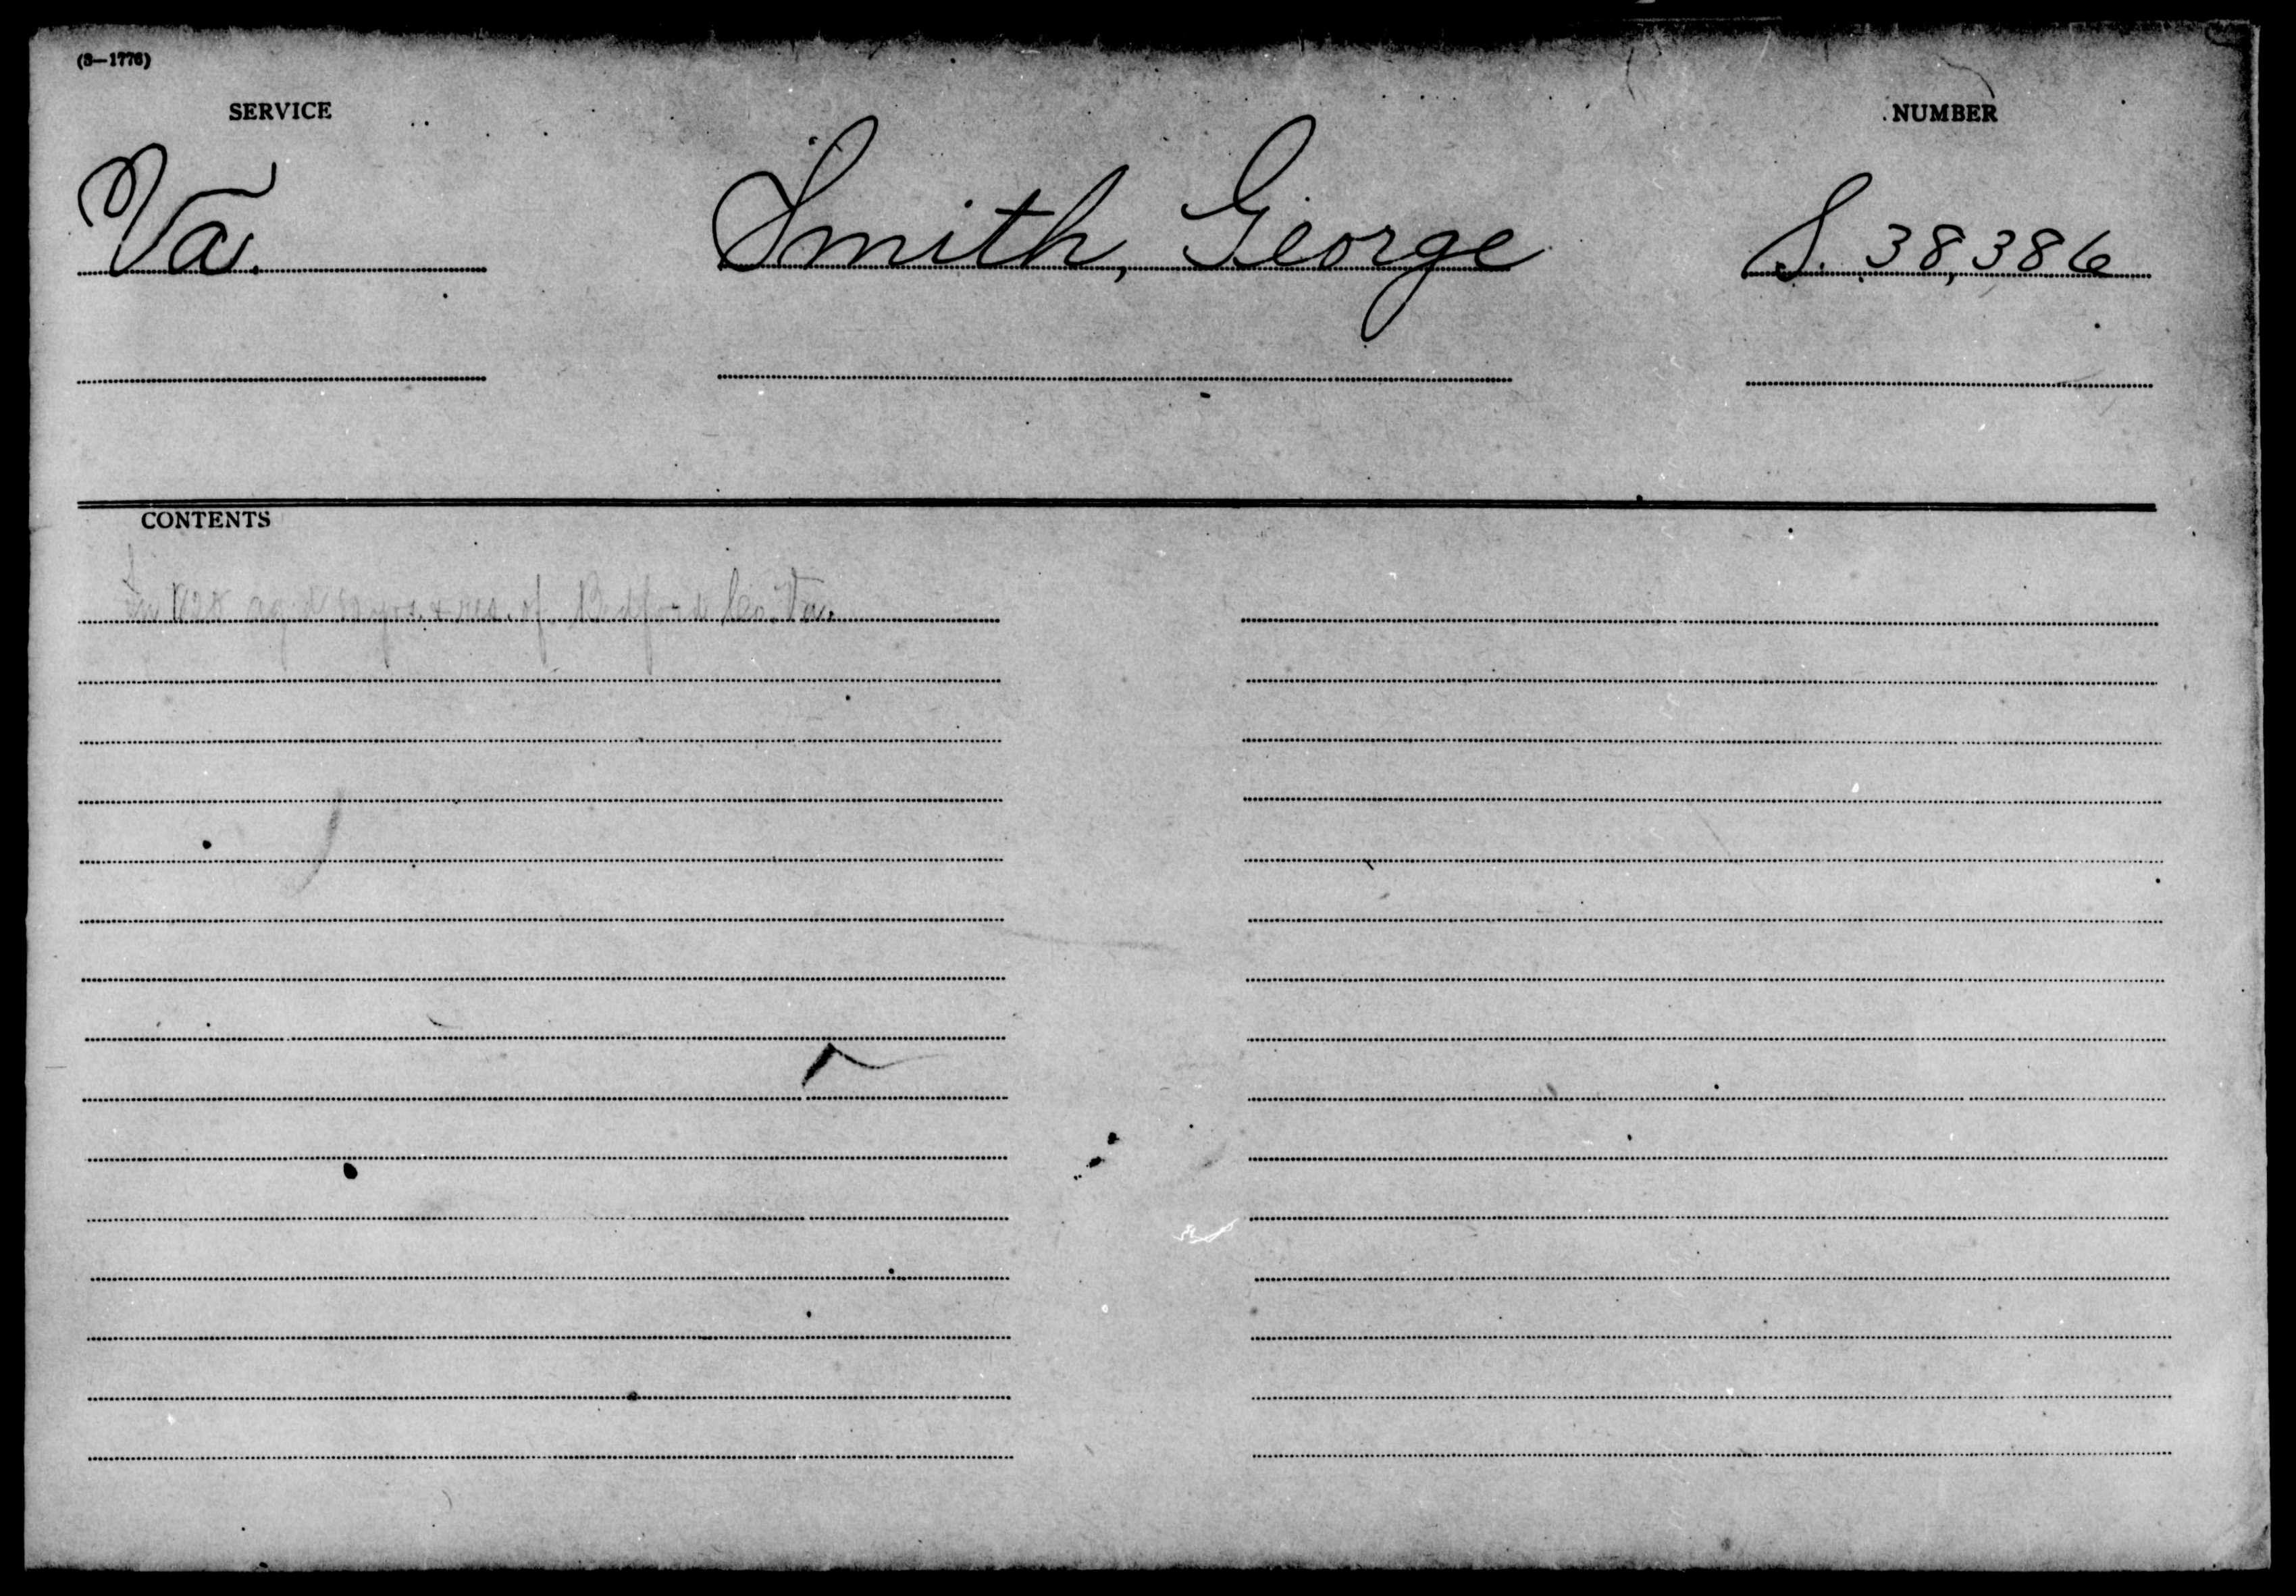(3-1776)
SERVICE
Va.
Smith, George
NUMBER
S. 38,386
CONTENTS
 {illegible} aged {?80} yrs & res of Bedford Co. Va.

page: 1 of 16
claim: survivor's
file: S. 38,386, for George Smith, Virginia